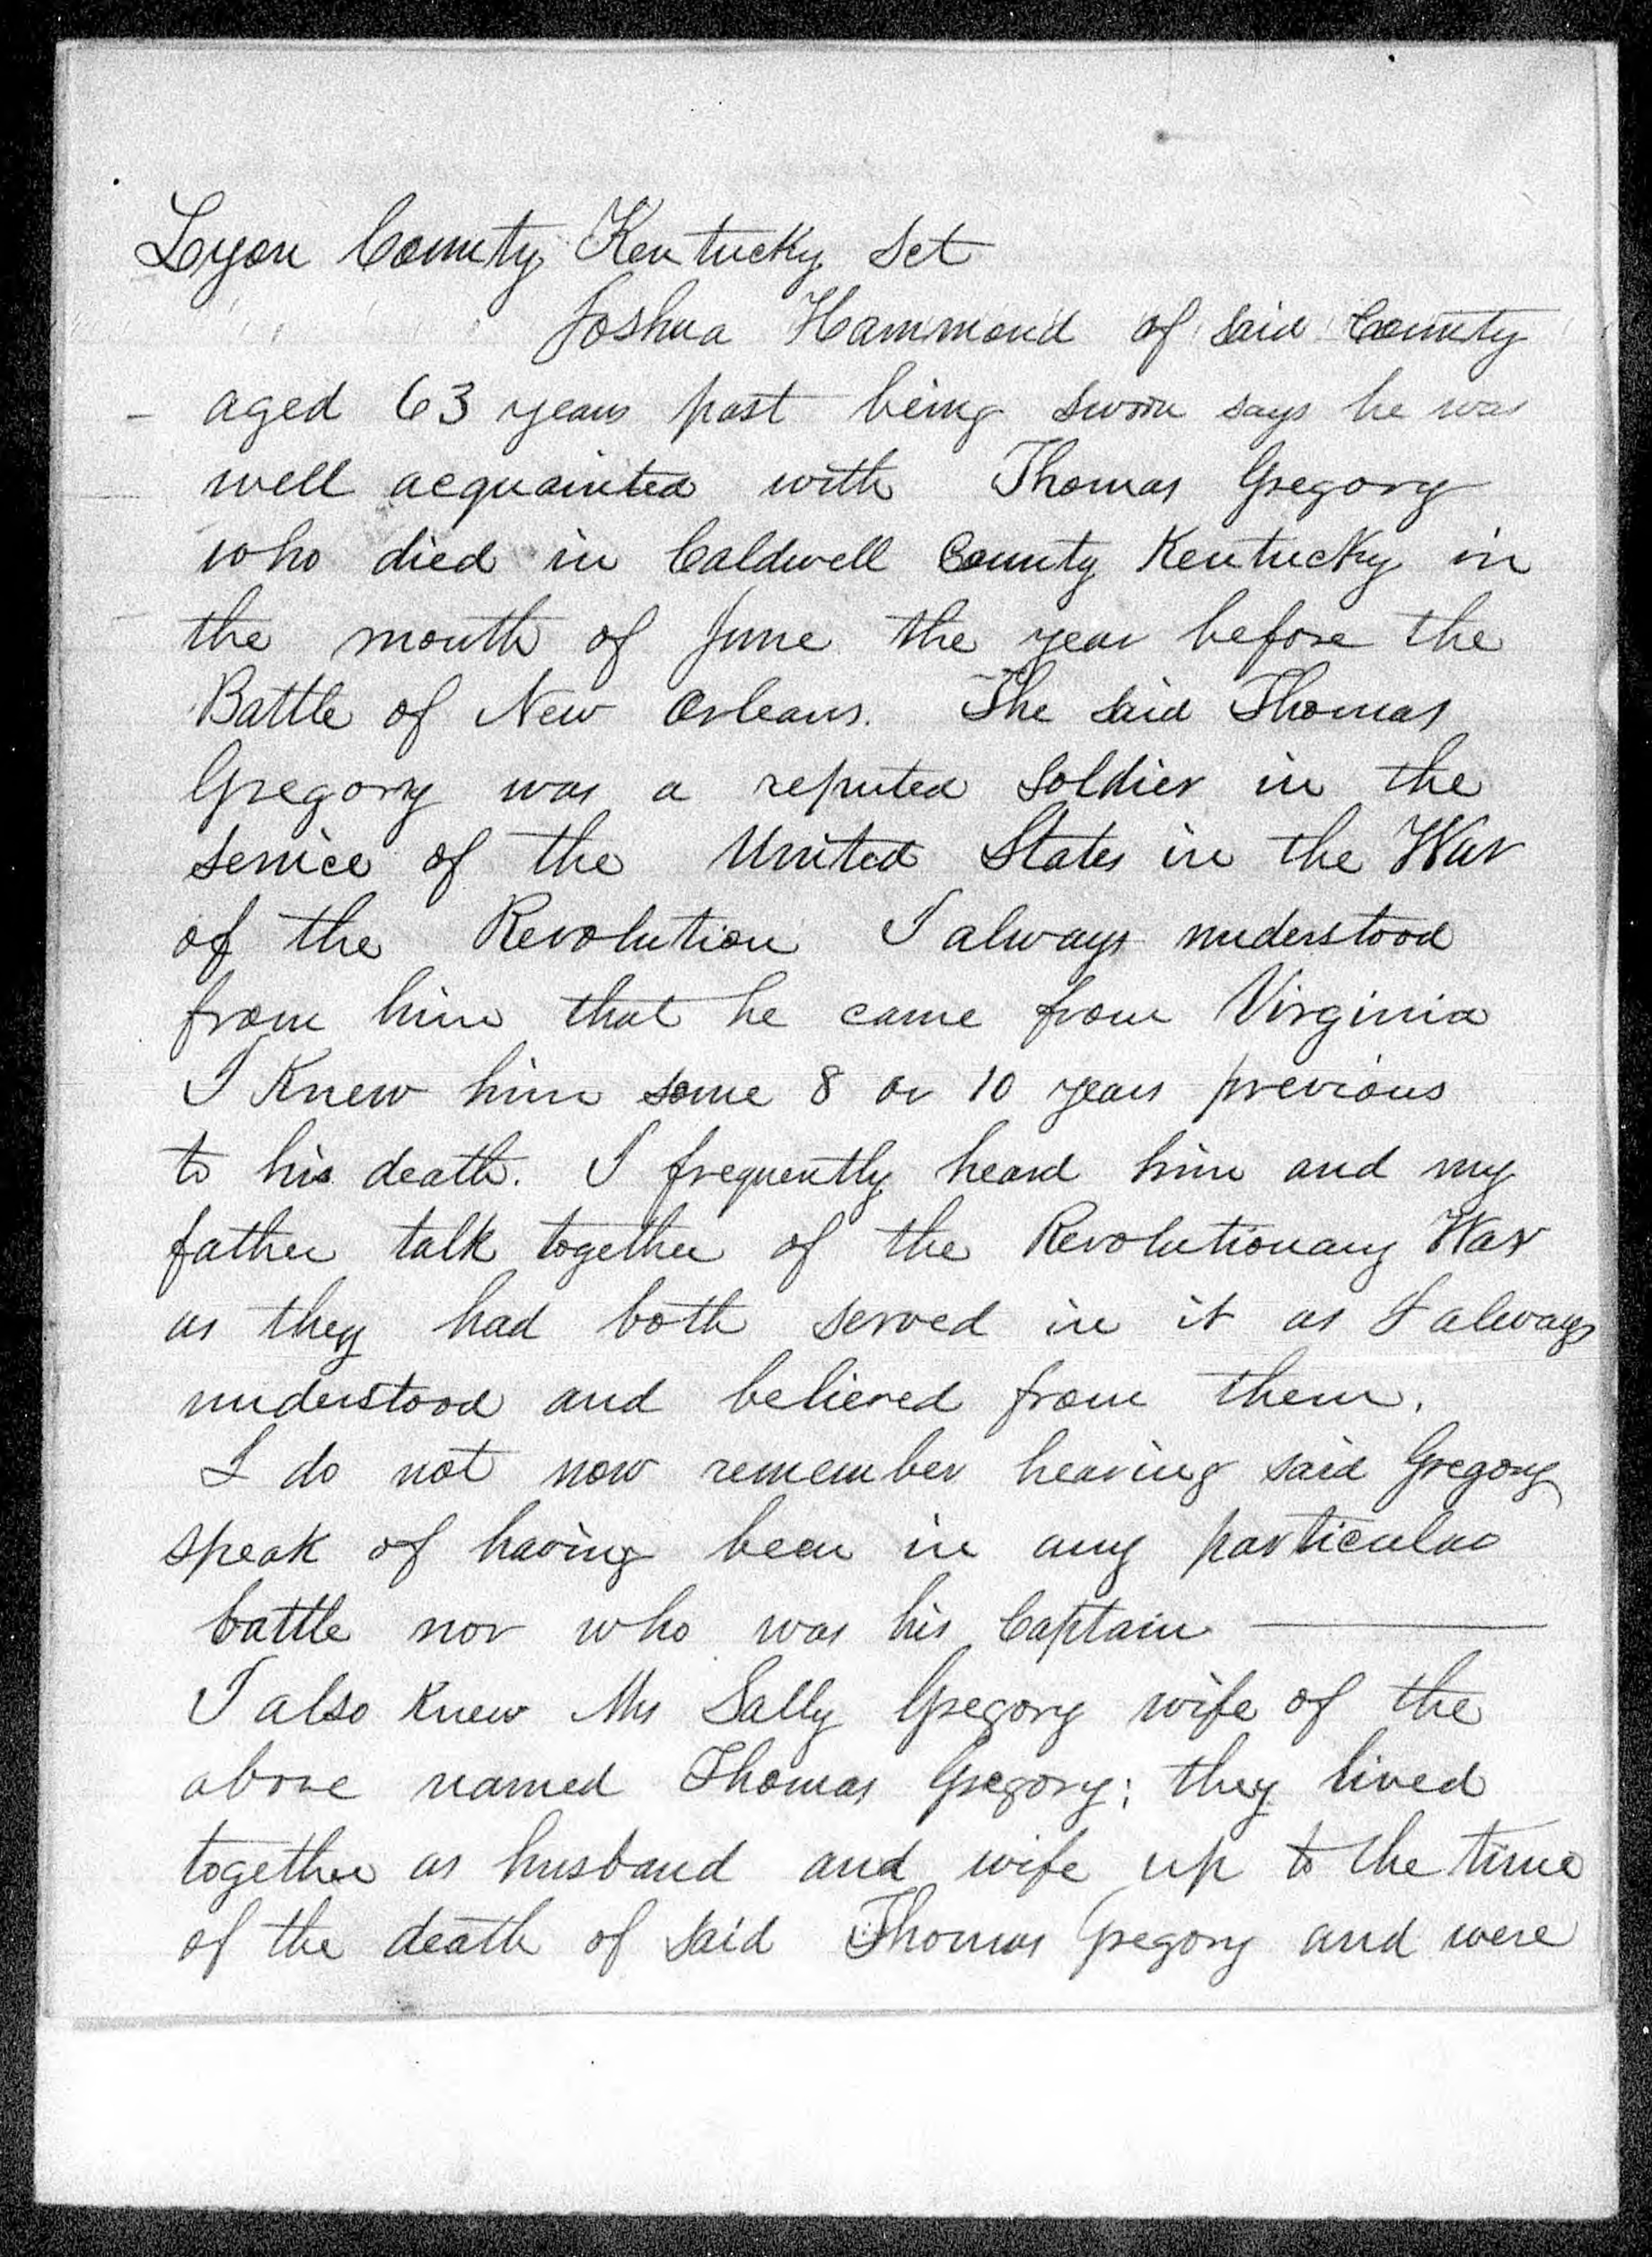Lyon County Kentucky Sct
Joshua Hammond of said county aged 63 years past being sworn says he was well acquainted with Thomas Gregory who died in Caldwell County Kentucky in the month of June the year before the Battle of New Orleans.  The said Thomas Gregory was a reputed Soldier in the Service of the United States in the War of the Revolution  I always understood from him that he came from Virginia I knew him some 8 or 10 years previous to his death.  I frequently heard him and my father talk together of the Revolutionary War as they had both served in it as I always understood and believed from them.
I do not now remember hearing said Gregory speak of having been in any particular battle nor who was his Captain--
I also knew Mrs Sally Gregory wife of the above named Thomas Gregory; they lived together as husband and wife up to the time of the death of said Thomas Gregory and were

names: Gregory, Sally Gregory, Thomas Gregory, Joshua Hammond, Thomas Gregory, Thomas Gregory, Thomas Gregory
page: 61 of 75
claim: widow's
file: W. 8876, Thomas Gregory, Continental Va